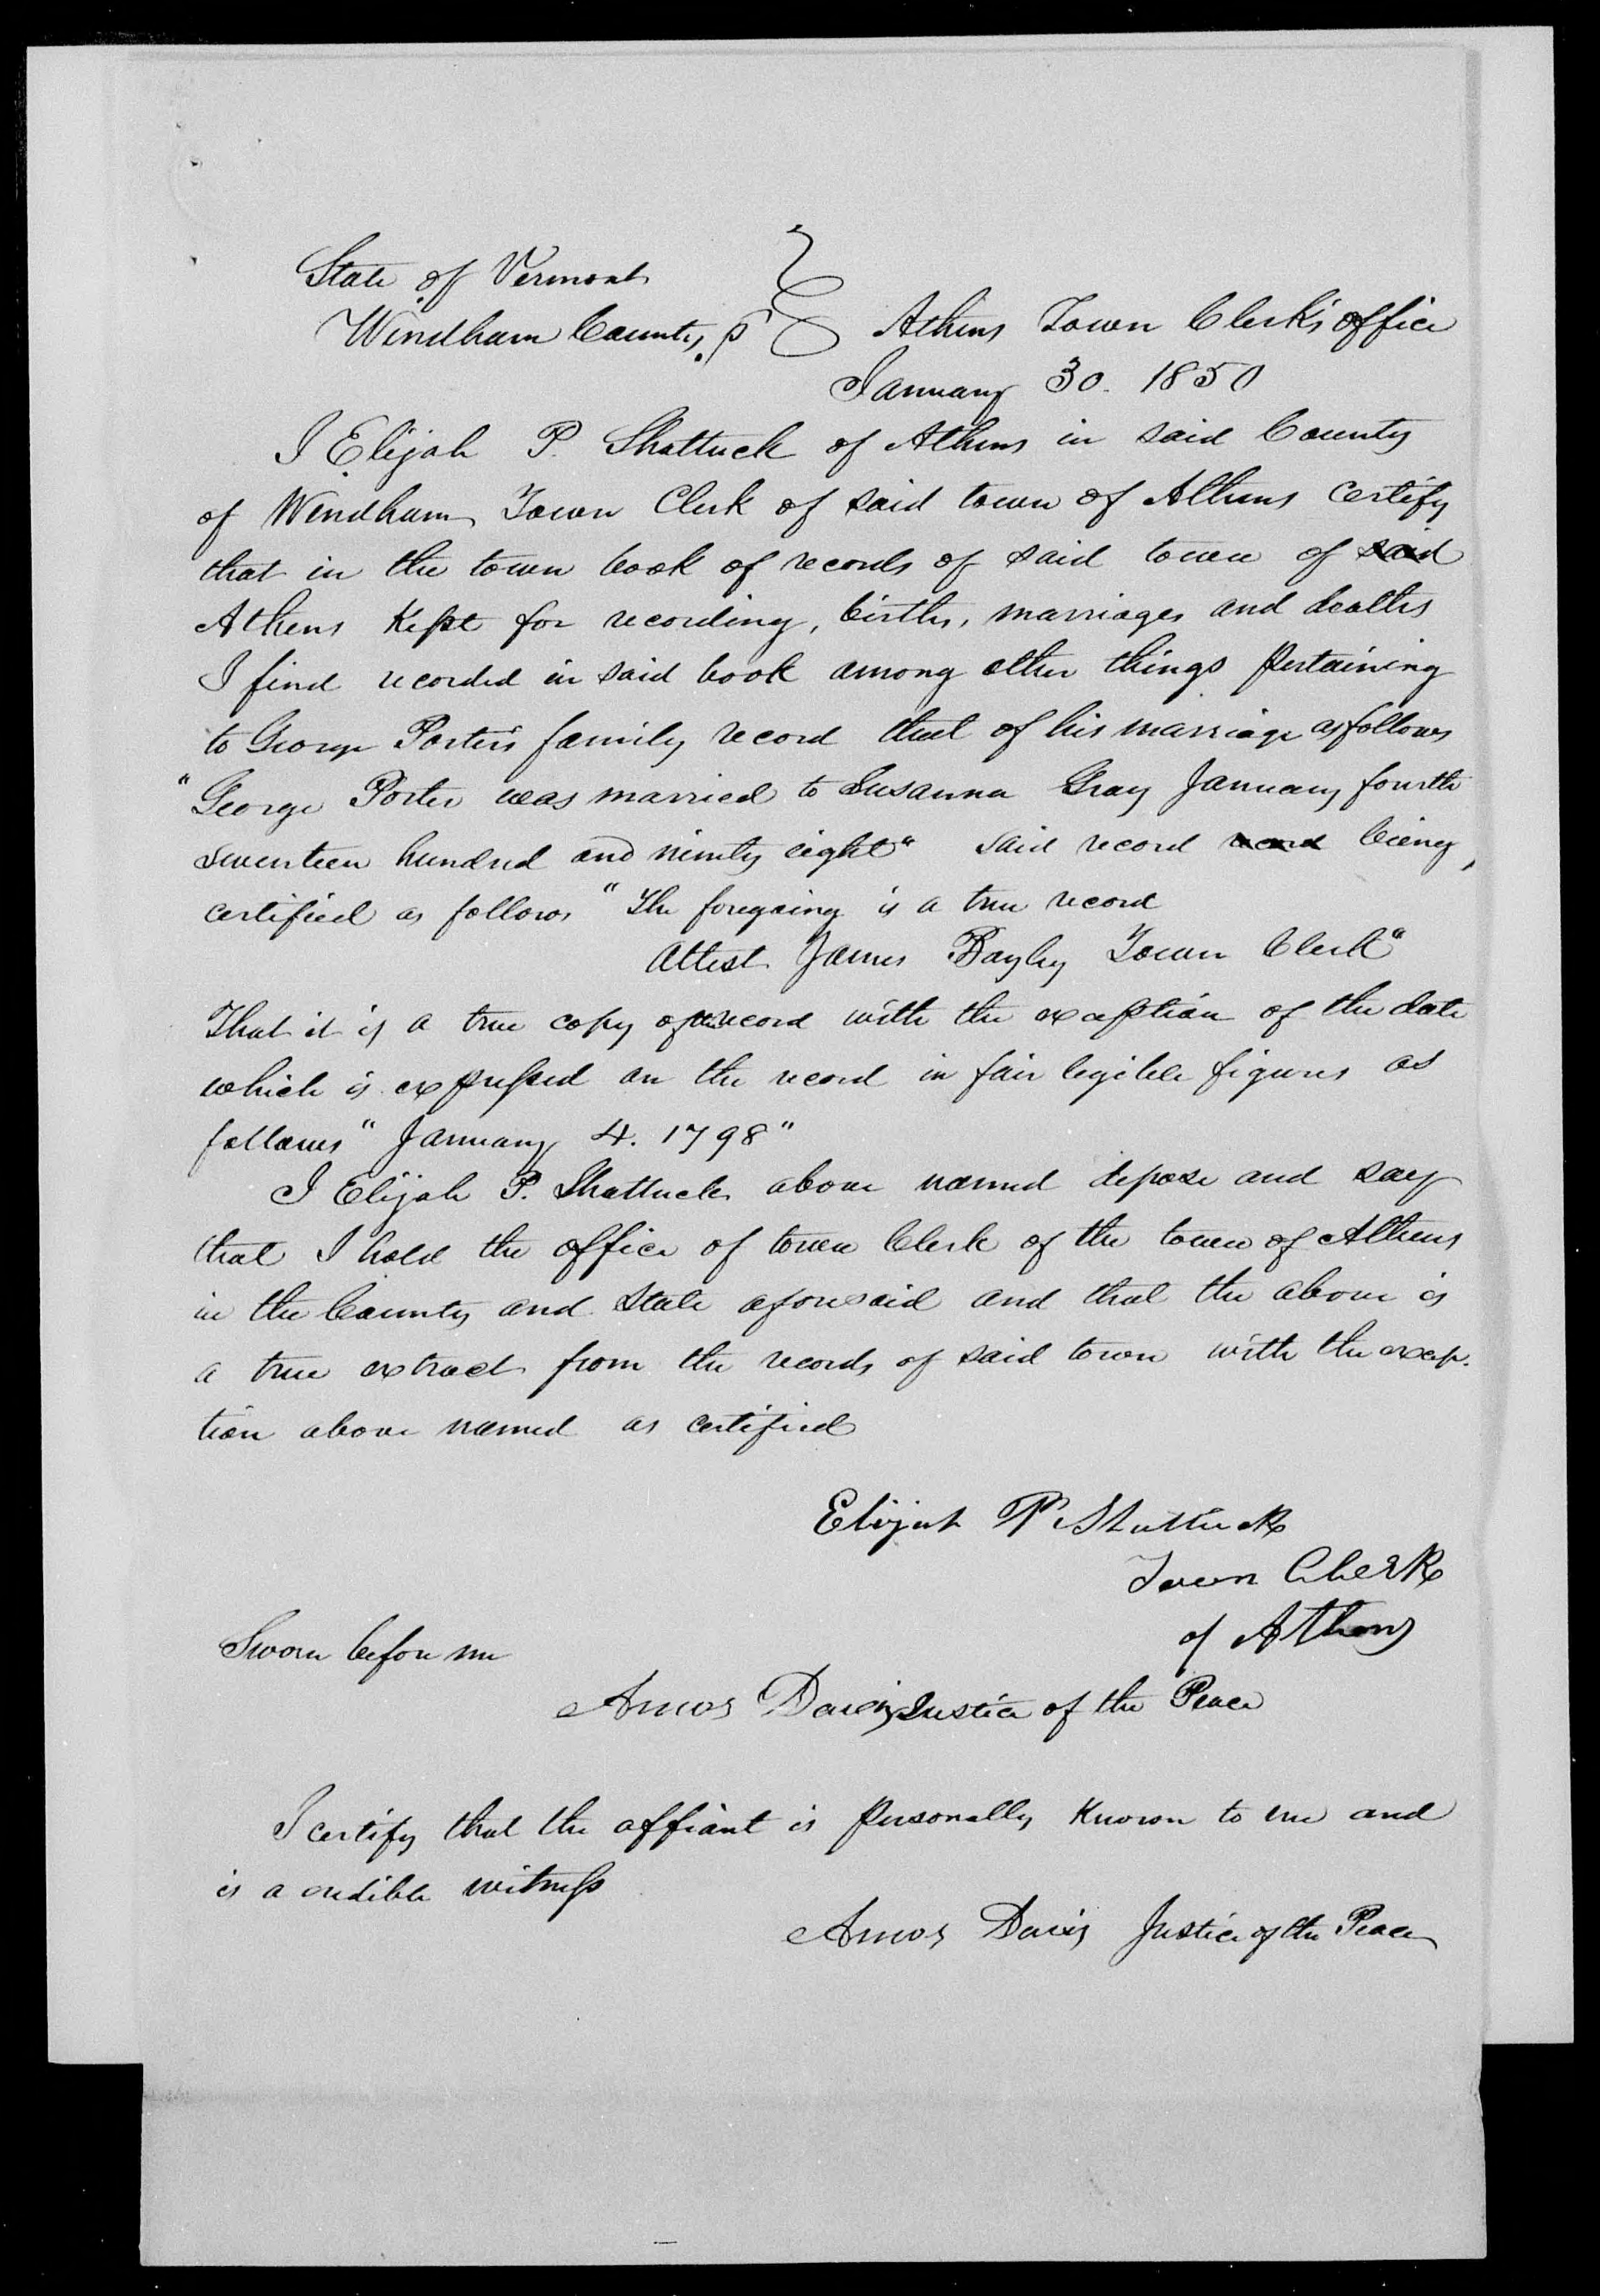State of Vermont
Windham County, ss
Athens Town Clerk's office
January 30, 1850
I Elijah P. Shattuck of Athens in said County of Windham, Town Clerk of said town of Athens certify that in the town book of records of said town of [crossed out: said] Athens Kept for recording, births, marriages and deaths I find recorded in said book among other things pertaining to George Porter's family record that of his marriage of follows "George Porter was married to Susanna Gray January fourth Seventeen hundred and ninety eight ' Said record being certified as follows "The foregoing is a true record
Attest James Bayley Town Clerk"
That it is a true copy of record with the exception of the date which is expressed on the record in fair legible figures as follows "January 4. 1798"
I Elijah P. Shattuck above named depose and say that I hold the office of town Clerk of the town of Athens in the County and State aforesaid and that the above is a true extract from the records of said town with the exception above named as certified
Elijah P Shattuck
Town Clerk of Athens

Sworn before me
Amos Davis Justice of the Peace

I certify that the affiant is personally known to me and is a credible witness
Amos Davis Justice of the Peace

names: Elijah P Shattuck; George Porter; Amos Davis; James Bayley; Susanna Gray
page: 14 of 49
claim: widow's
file: W. 2164, for George Porter, Massachusetts